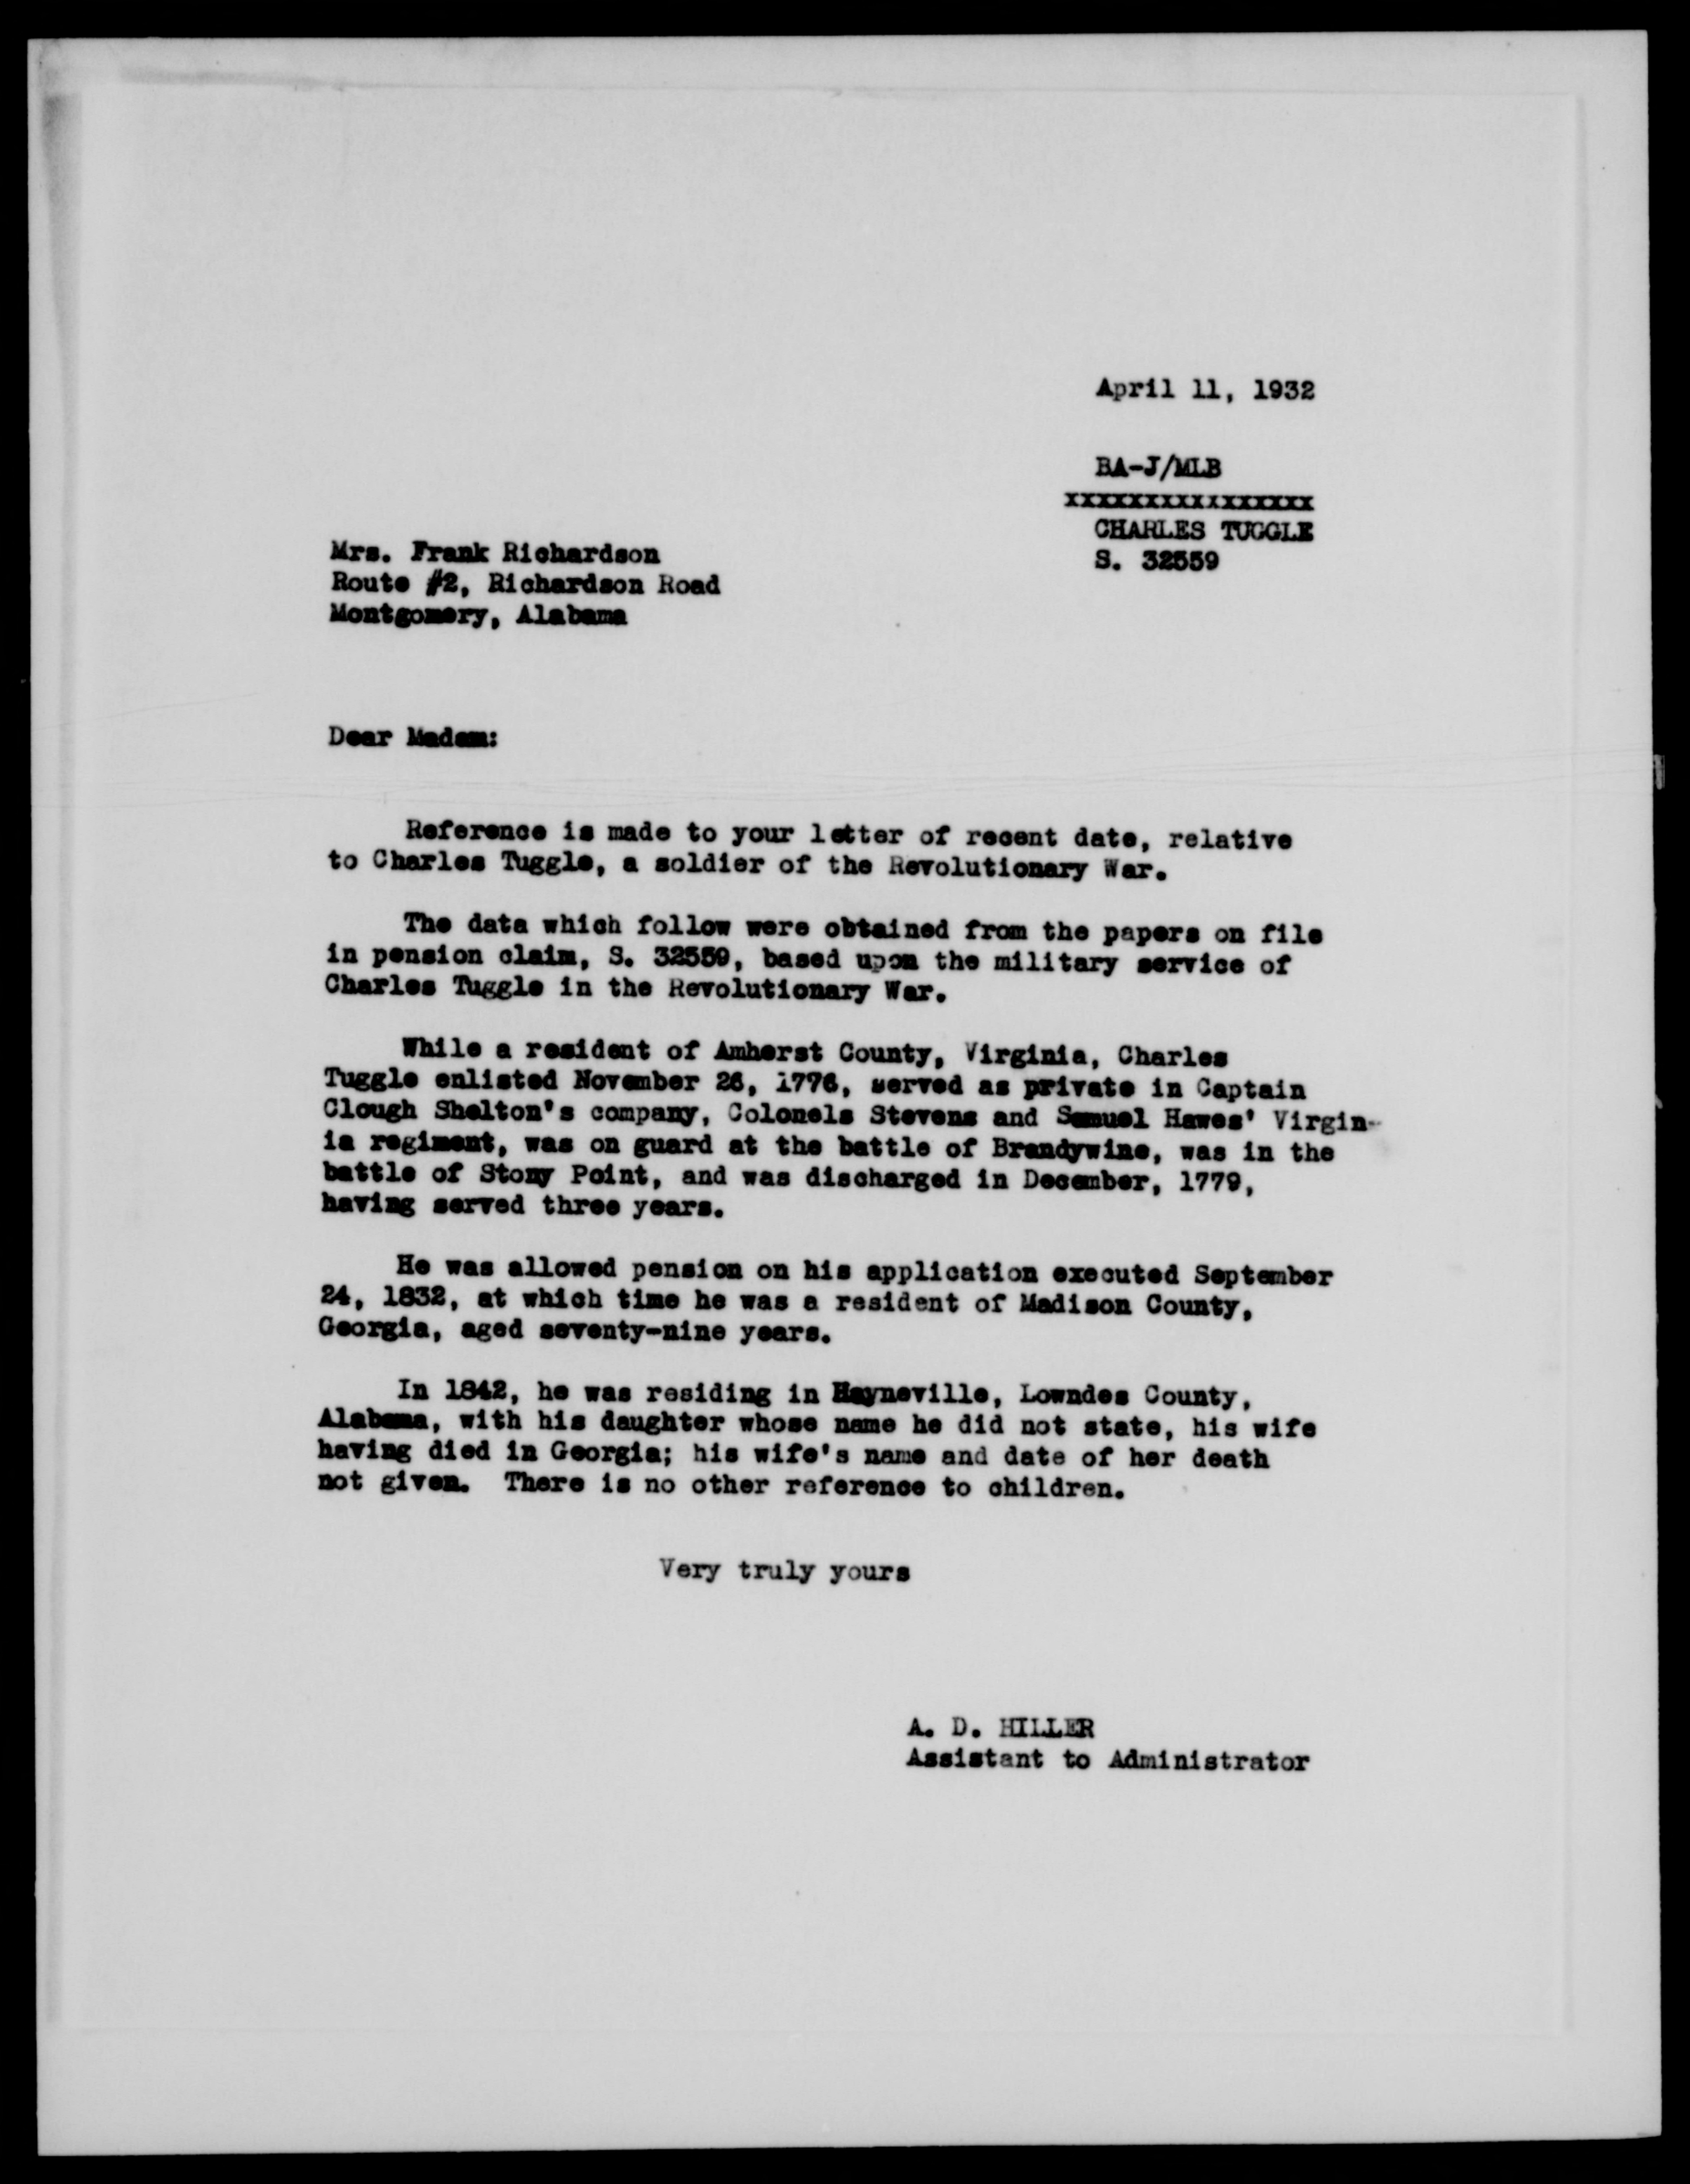BA-J/MLB
CHARLES TUGGLE
S. 32559
Mrs. Frank Richardson
Route 2, Richardson Road
Montgomery, Alabama

Dear Madam:
Reference is made to your letter of recent date, relative
to Charles Tuggle, a soldier of the Revolutionary War.
The data which follow were obtained from the papers on file
in pension claim, S. 32559, based upon the military service of
Charles Tuggle in the Revolutionary War.
While a resident of Amherst County, Virginia, Charles
Tuggle enlisted November 26, 1776, served as private in Captain
Clough Shelton's company, Colonels Stevens and Samuel Hawes' Virginia
regiment, was on guard at the battle of Brandywine, was in the
battle of Stony Point, and was discharged in December, 1779,
having served three years.
He was allowed pension on his application executed September
24, 1832, at which time he was a resident of Madison County,
Georgia, aged seventy-nine years.
In 1842, he was residing in Hayneville, Lowndes County,
Alabama, with his daughter whose name he did not state, his wife
having died in Georgia; his wife's name and date of her death
not given. There is no other reference to children.
Very truly yours
A. D. HILLER
Assistant to Administrator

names: Frank Richardson, Charles Tuggle, A D Hiller, Charles Tuggle, Charles Tuggle, Charles Tuggle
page: 20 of 23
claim: survivor's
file: S. 32559, Charles Tuggle, Va.